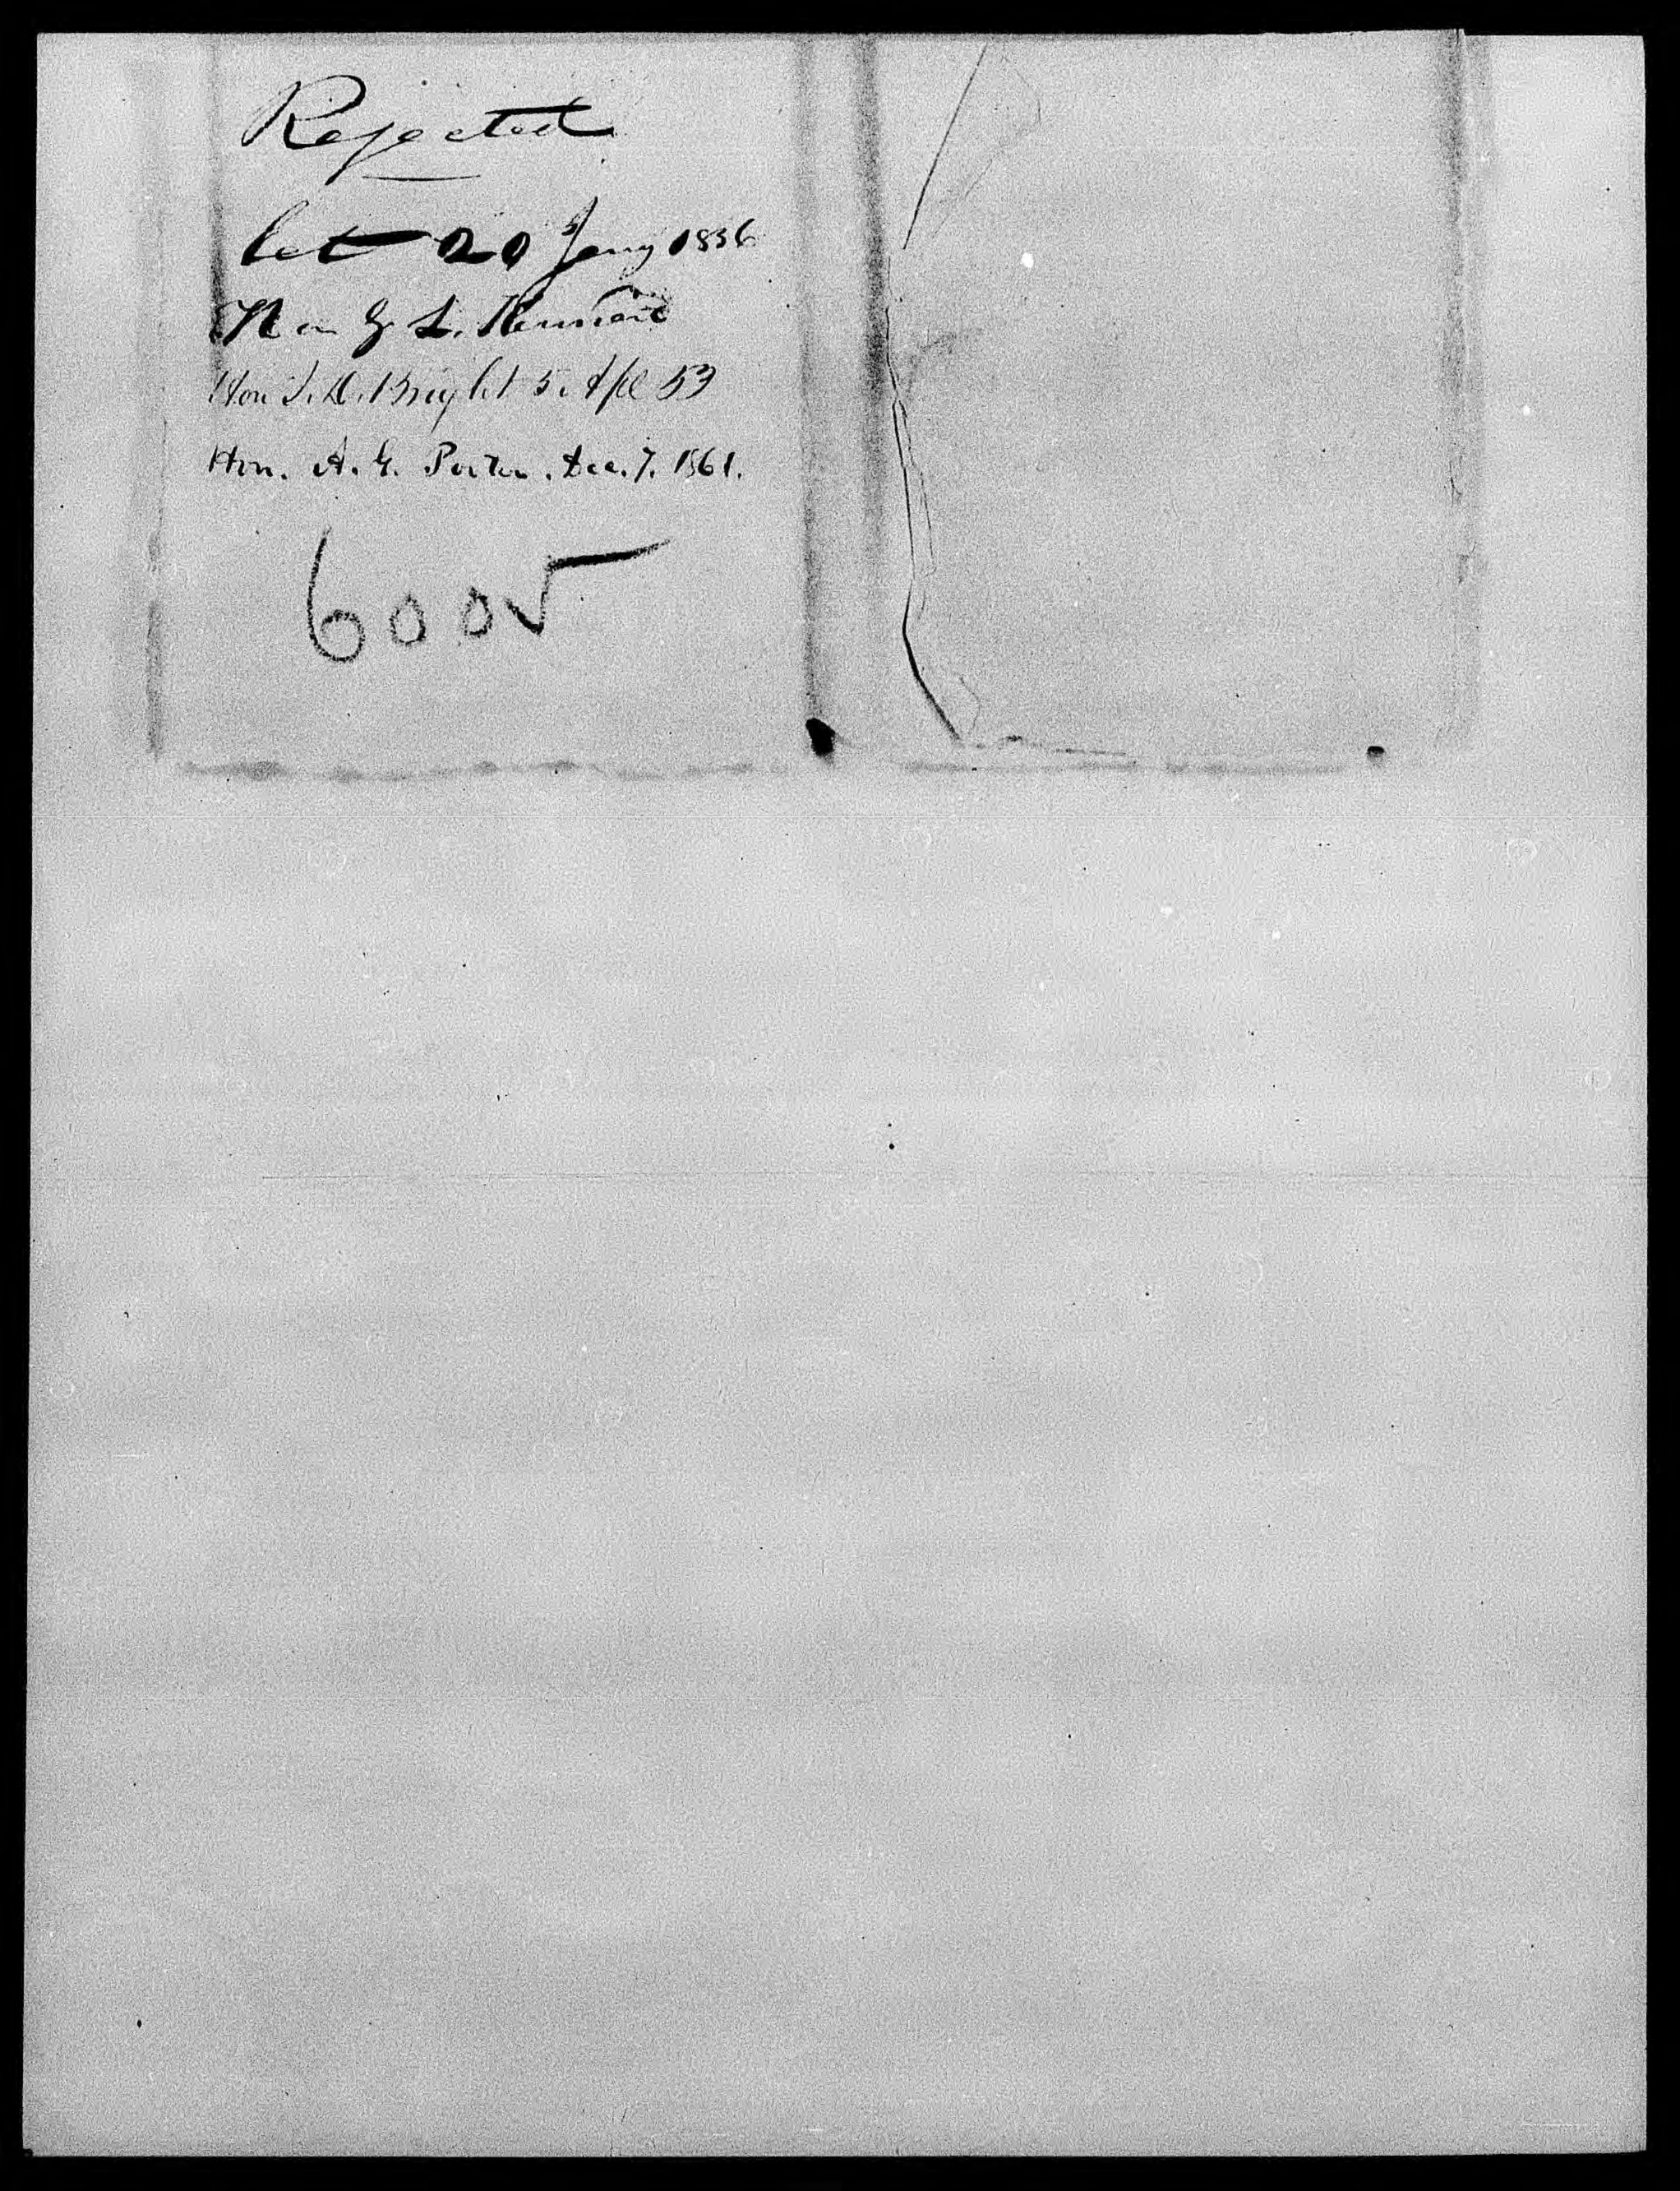Rejected
Let 20 Jany 1836
[illegible] G L. Kinnard
Hon. J.D. Bright 5, [illegible]
Hon. A. G. Porter, Dec. 7, 1861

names: J D Bright; A G Porter; G L Kinnard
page: 2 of 14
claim: rejected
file: R. 6005, for Jacob Klinginsmith, Pennsylvania